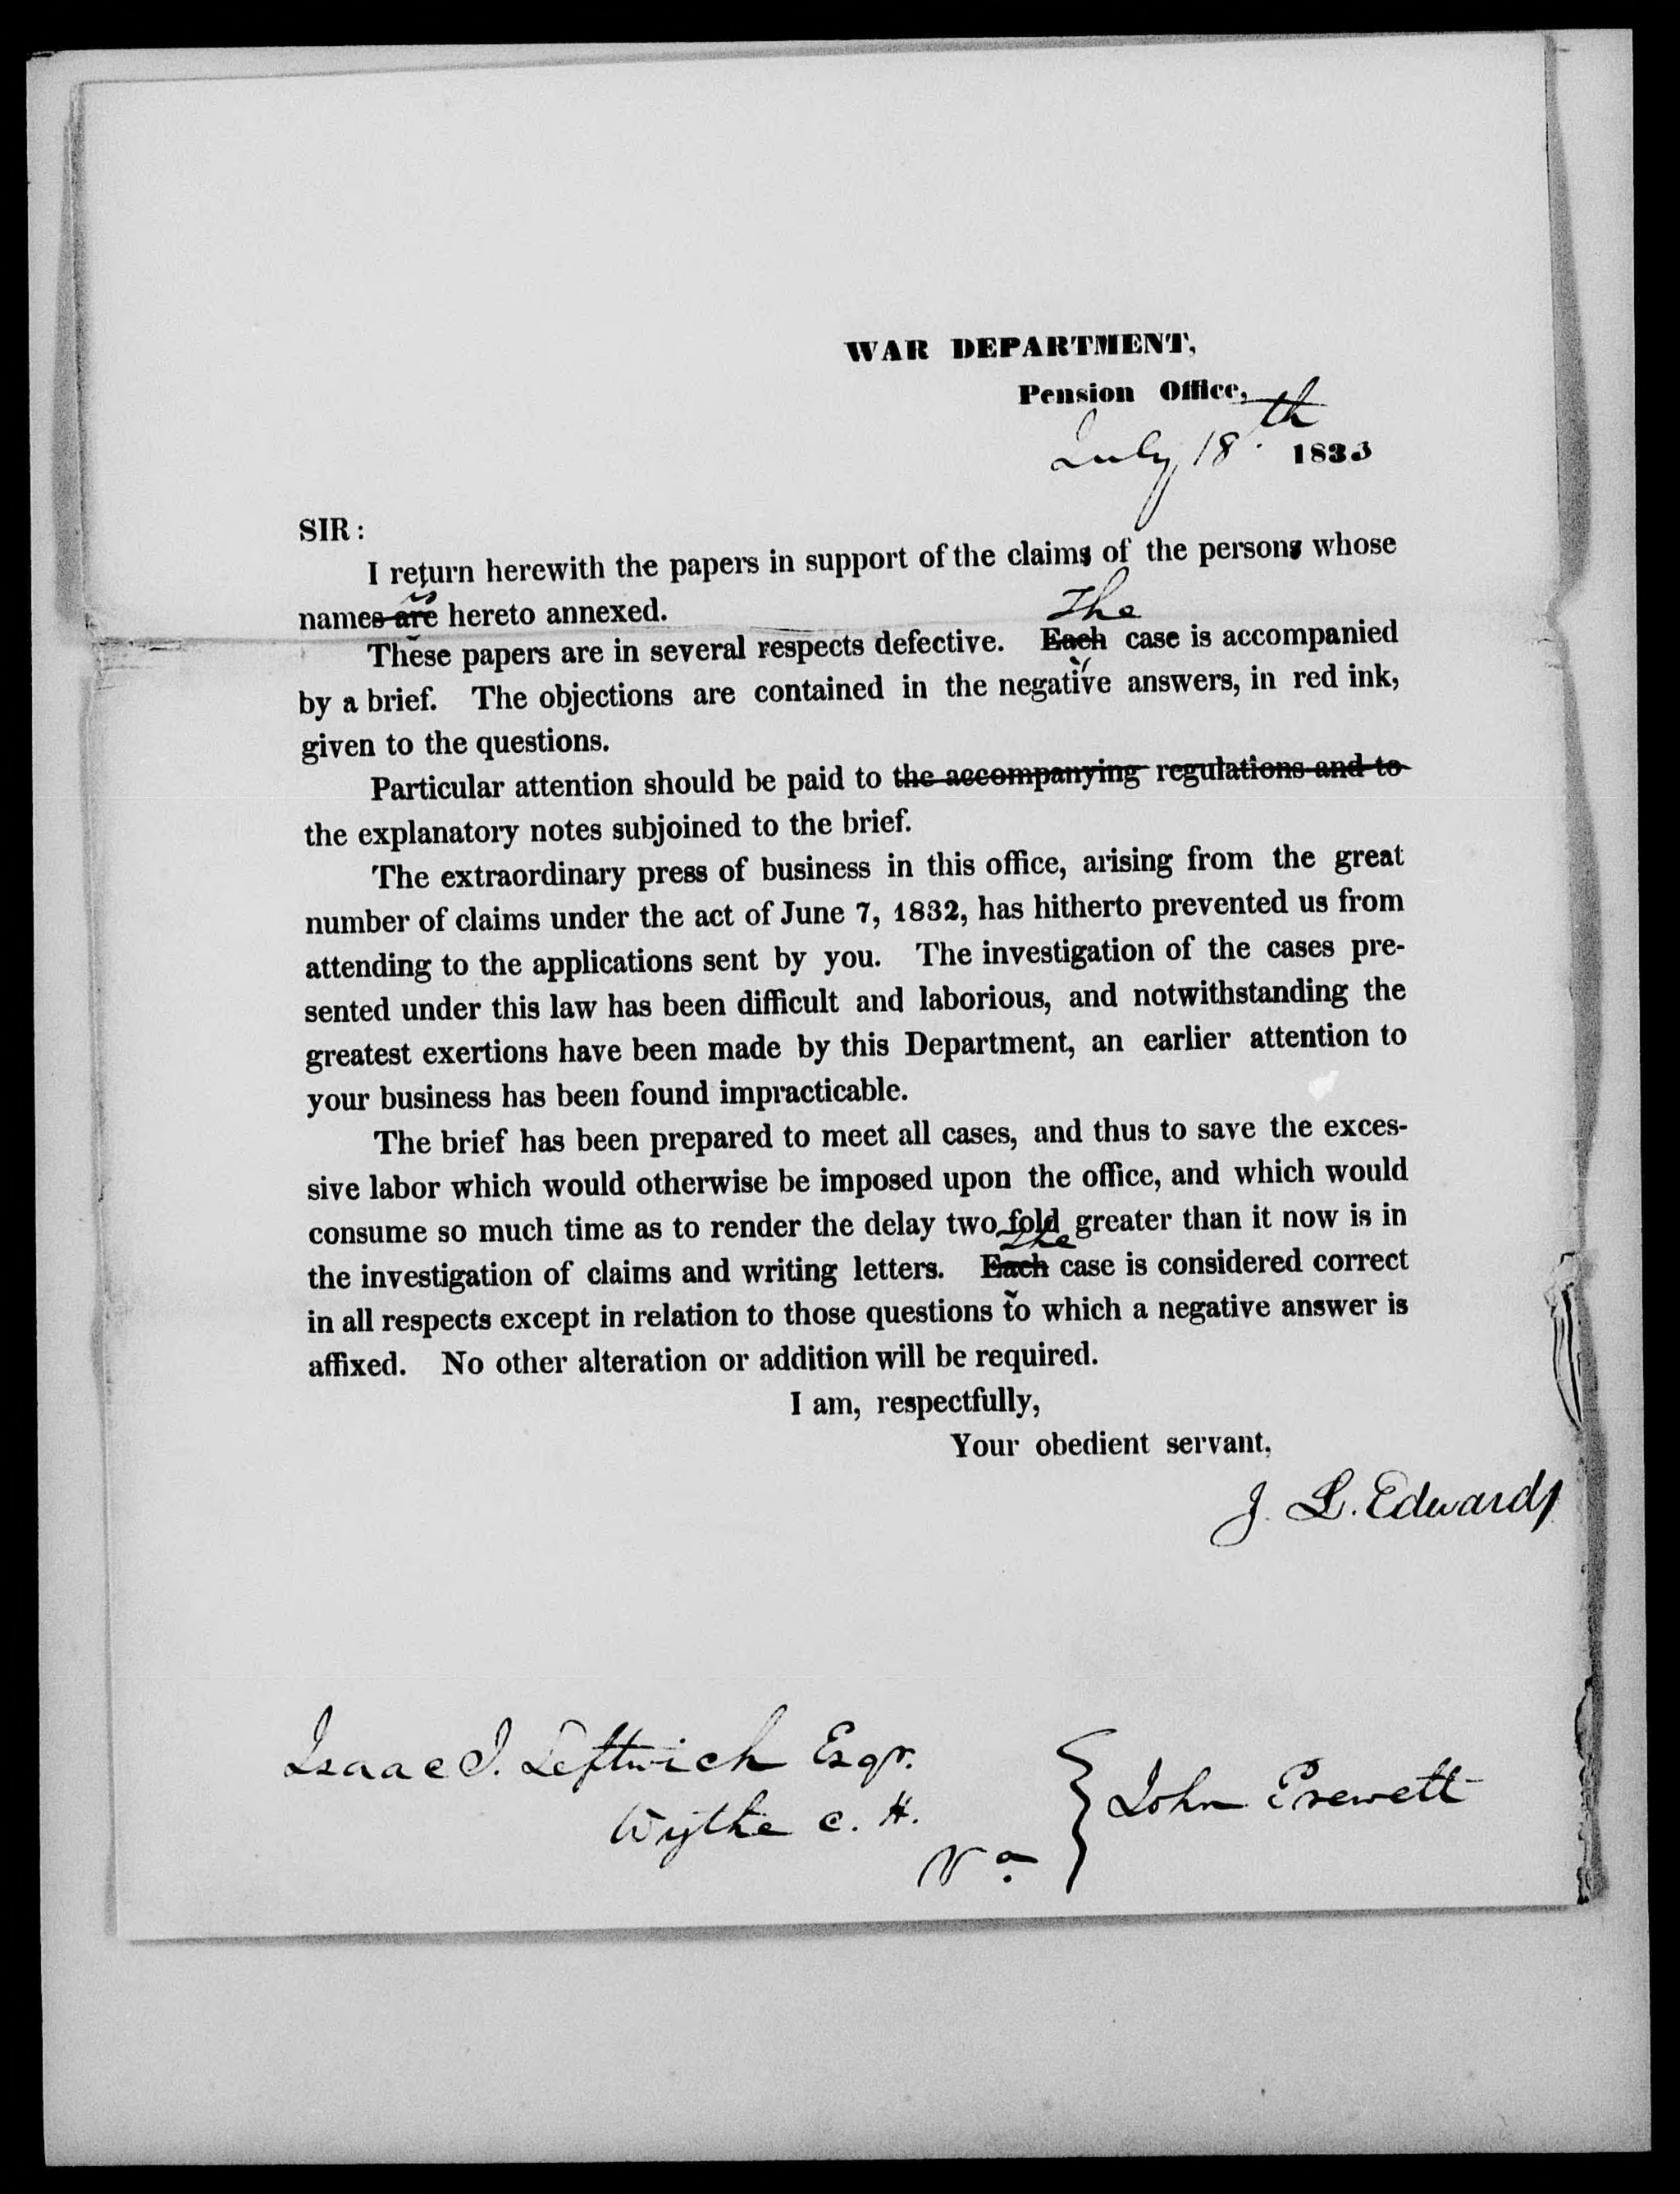WAR DEPARTMENT,
Pension Office,
July 18th 1833

SIR:
I return herewith the papers in support of the claim of the person whose name is hereto annexed.
These papers are in several respects defective. The case is accompanied by a brief. The objections are contained in the negative answers, in red ink, given to the questions.
Particular attention should be paid to the explanatory notes subjoined to the brief.
The extraordinary press of business in this office, arising from the great number of claims under the act of June 7, 1832, has hitherto prevented us from attending to the applications sent by you. The investigation of the cases presented under this law has been difficult and laborious, and notwithstanding the greatest exertions have been made by this Department, an earlier attention to your business has been found impracticable.
The brief has been prepared to meet all cases, and thus to save the excessive labor which would otherwise be imposed upon the office, and which would consume so much time as to render the delay two fold greater than it now is in the investigation of claims and writing letters. The case is considered correct in all respects except in relation to those questions to which a negative answer is affixed. No other alteration or addition will be required.
I am, respectfully,
Your obedient servant,
J. L. Edwards

Isaac J. Leftwich Esqr.
Wythe C. H. } John Prewett
Va.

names: J L Edwards; John Prewett; Isaac J Leftwich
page: 24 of 35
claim: survivor's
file: S. 30,665, for John Prewett, Virginia